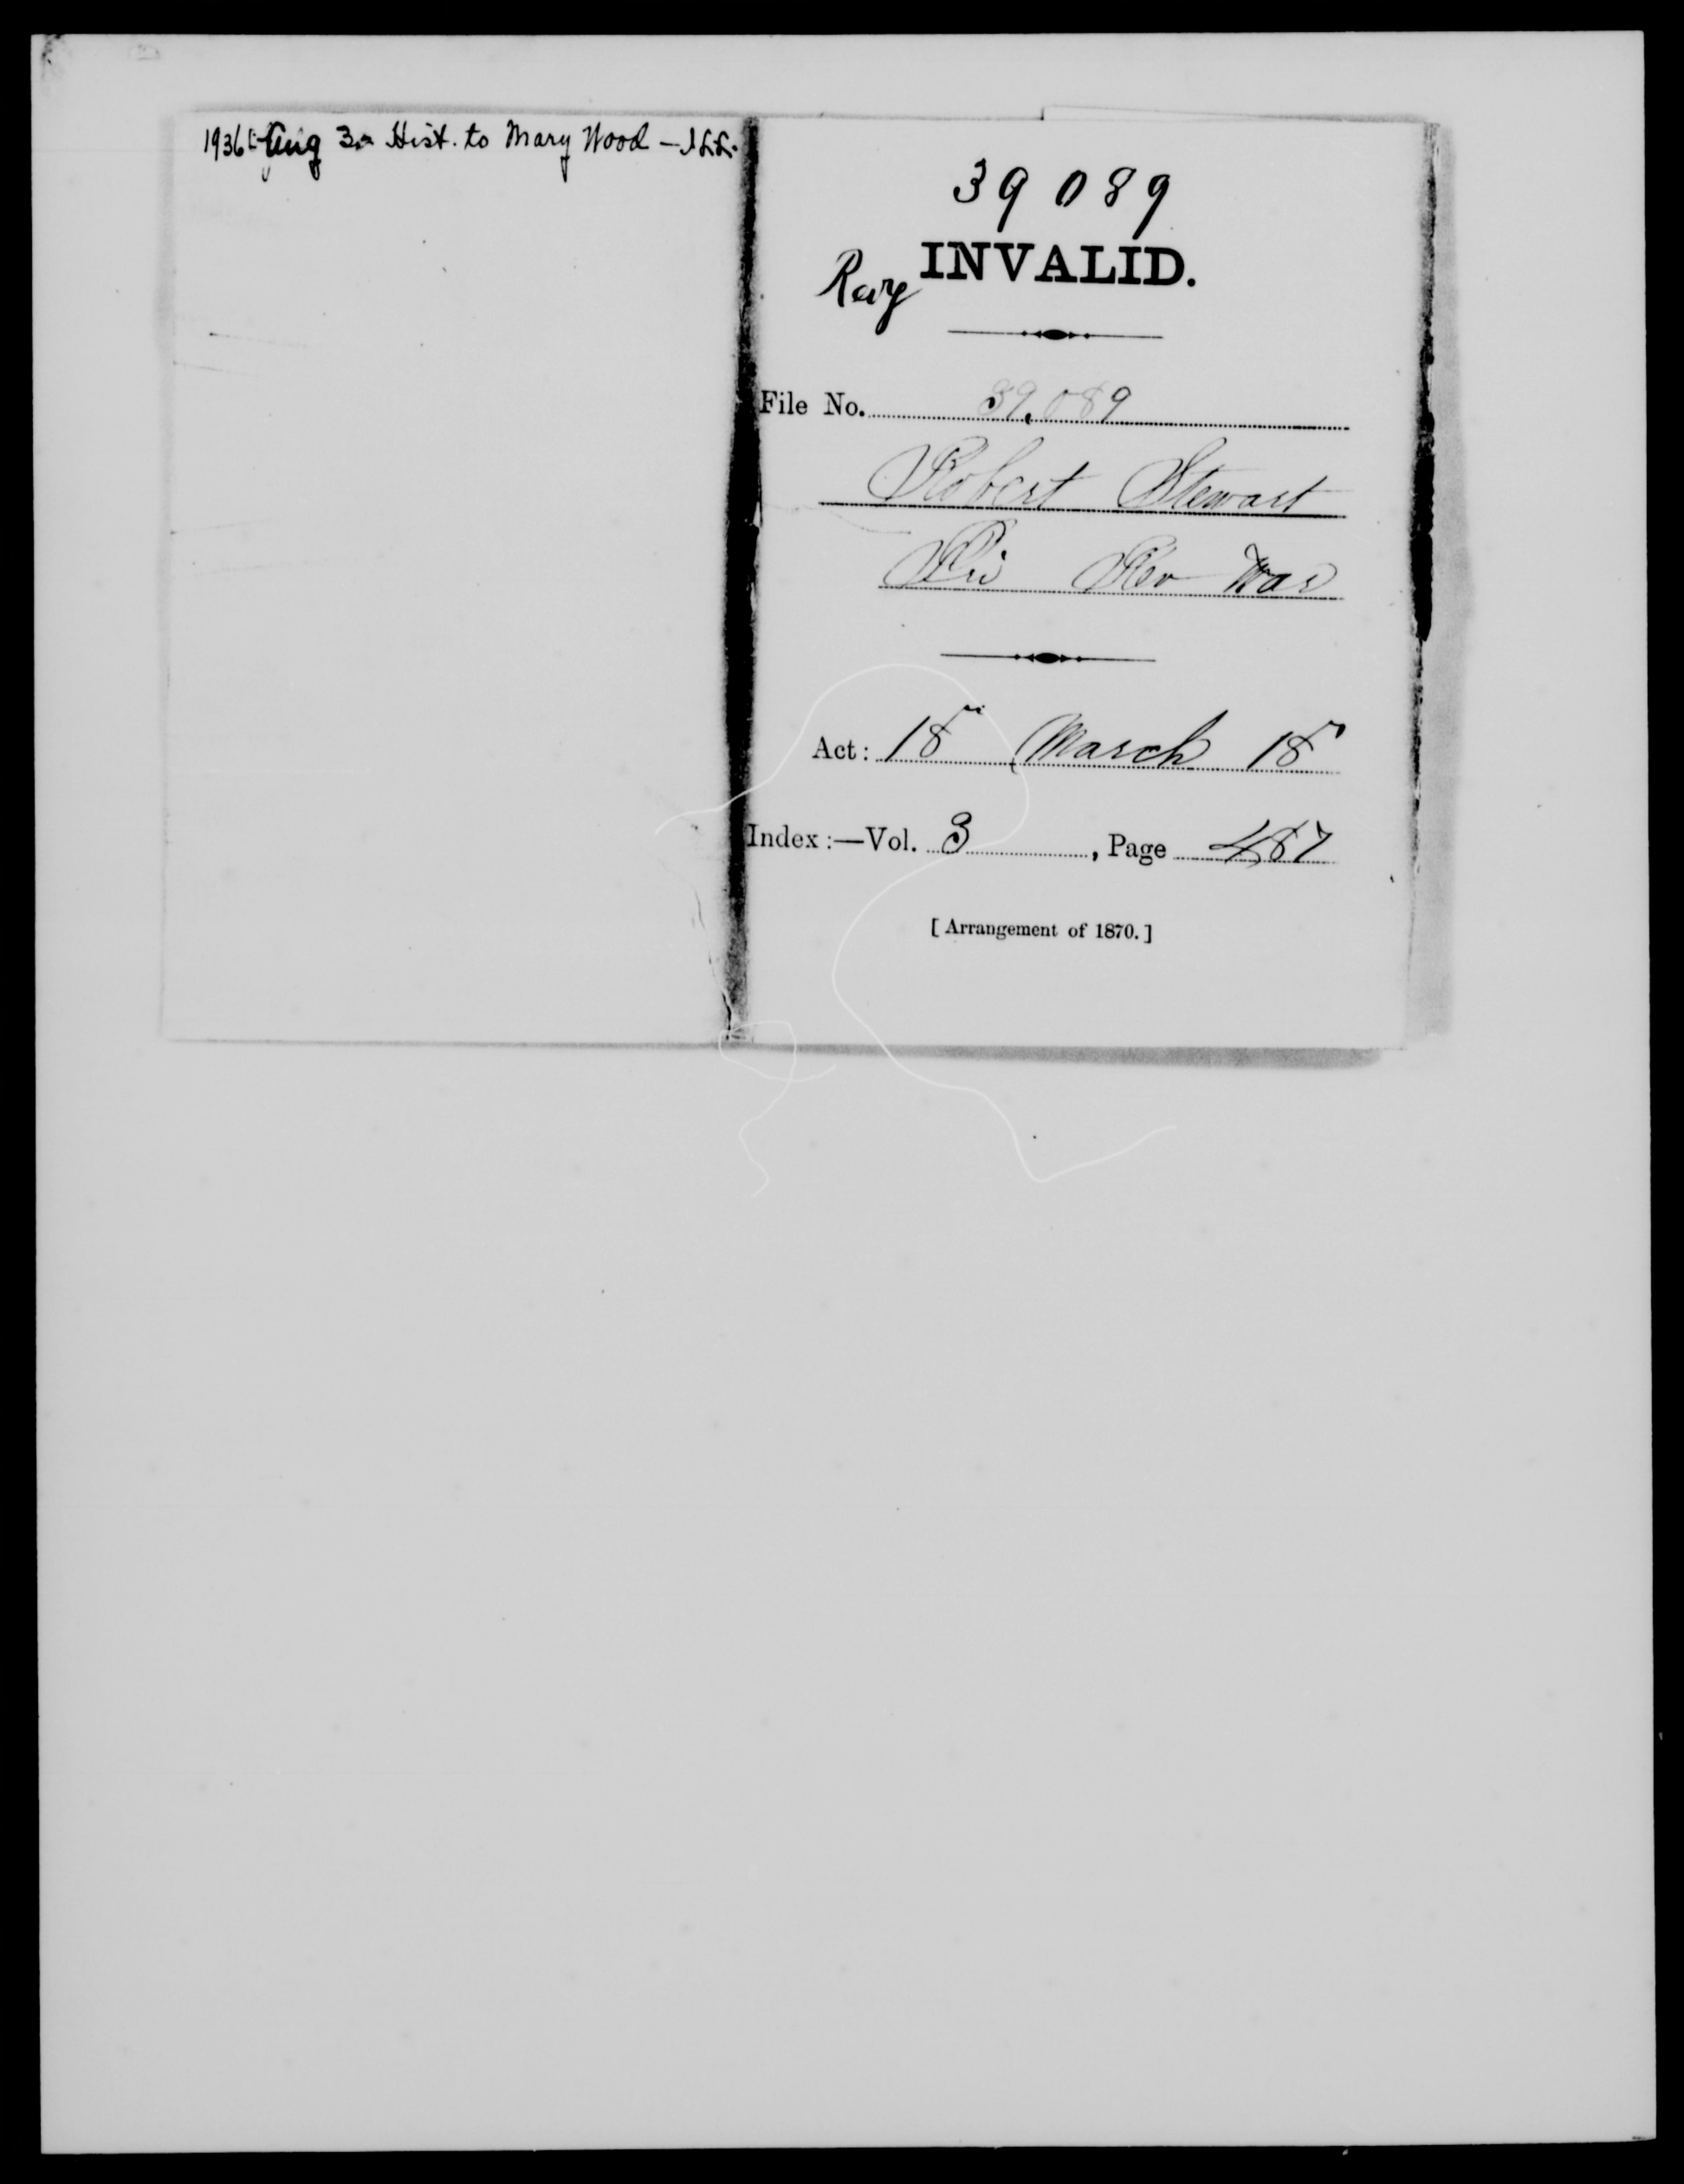Left Side Page

1936 Aug 30, Hist to Mary Wood

Right Side Page

39089
Revy INVALID

File No 39089
Robert Stewart
Pri Rev War

Act: 18 March '18

Index: Vol 3 Page 487
[Arrangement of 1870.]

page: 14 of 15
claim: survivor's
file: S 39089, for Robert Stewart, Maryland